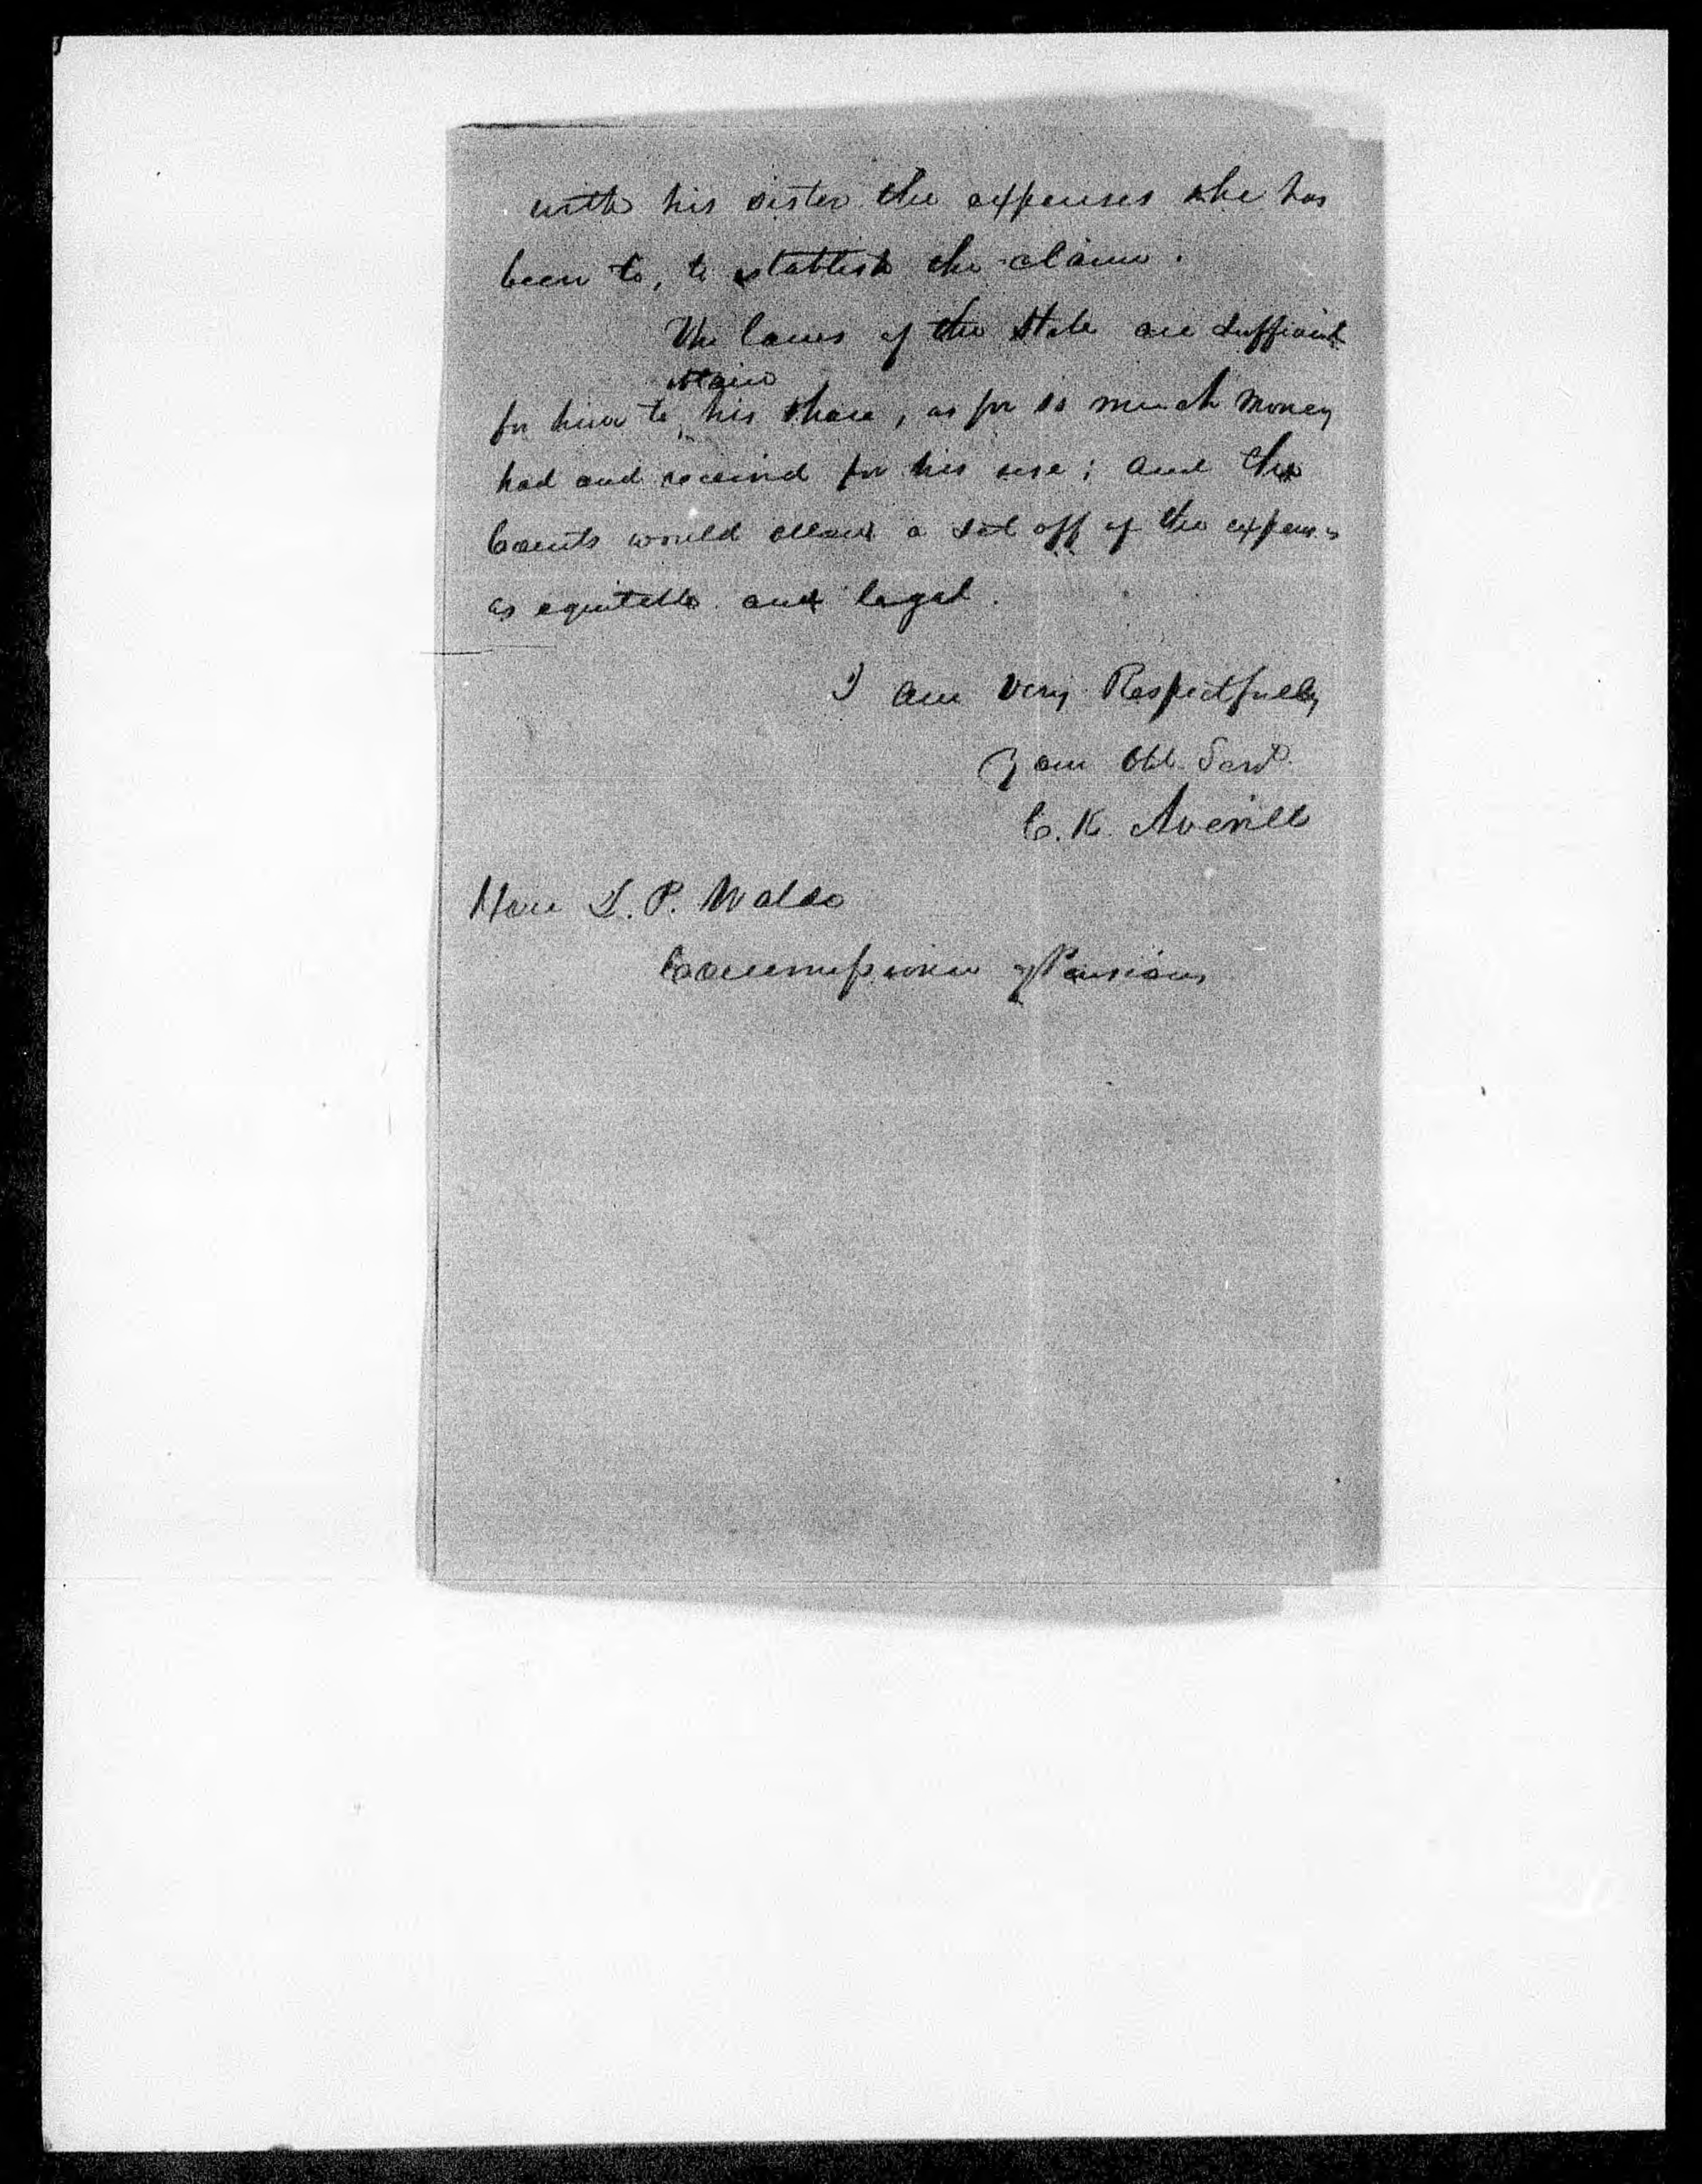with his sister the expenses she has been to , to establish the claim.
The laws of the State are difficult for him to obtain his share as far as so much money had and received for his use; and the Courts would allow a set off if the expenses as equiteble and legit.
I am very respectfully your obli. servt.
C.K.Averill

T. P. Waldo
Commissioner of Pensions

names: L P Waldo, C K Averill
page: 24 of 98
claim: widow's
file: W. 21182, Francis Gigo, Continental (Canadian)